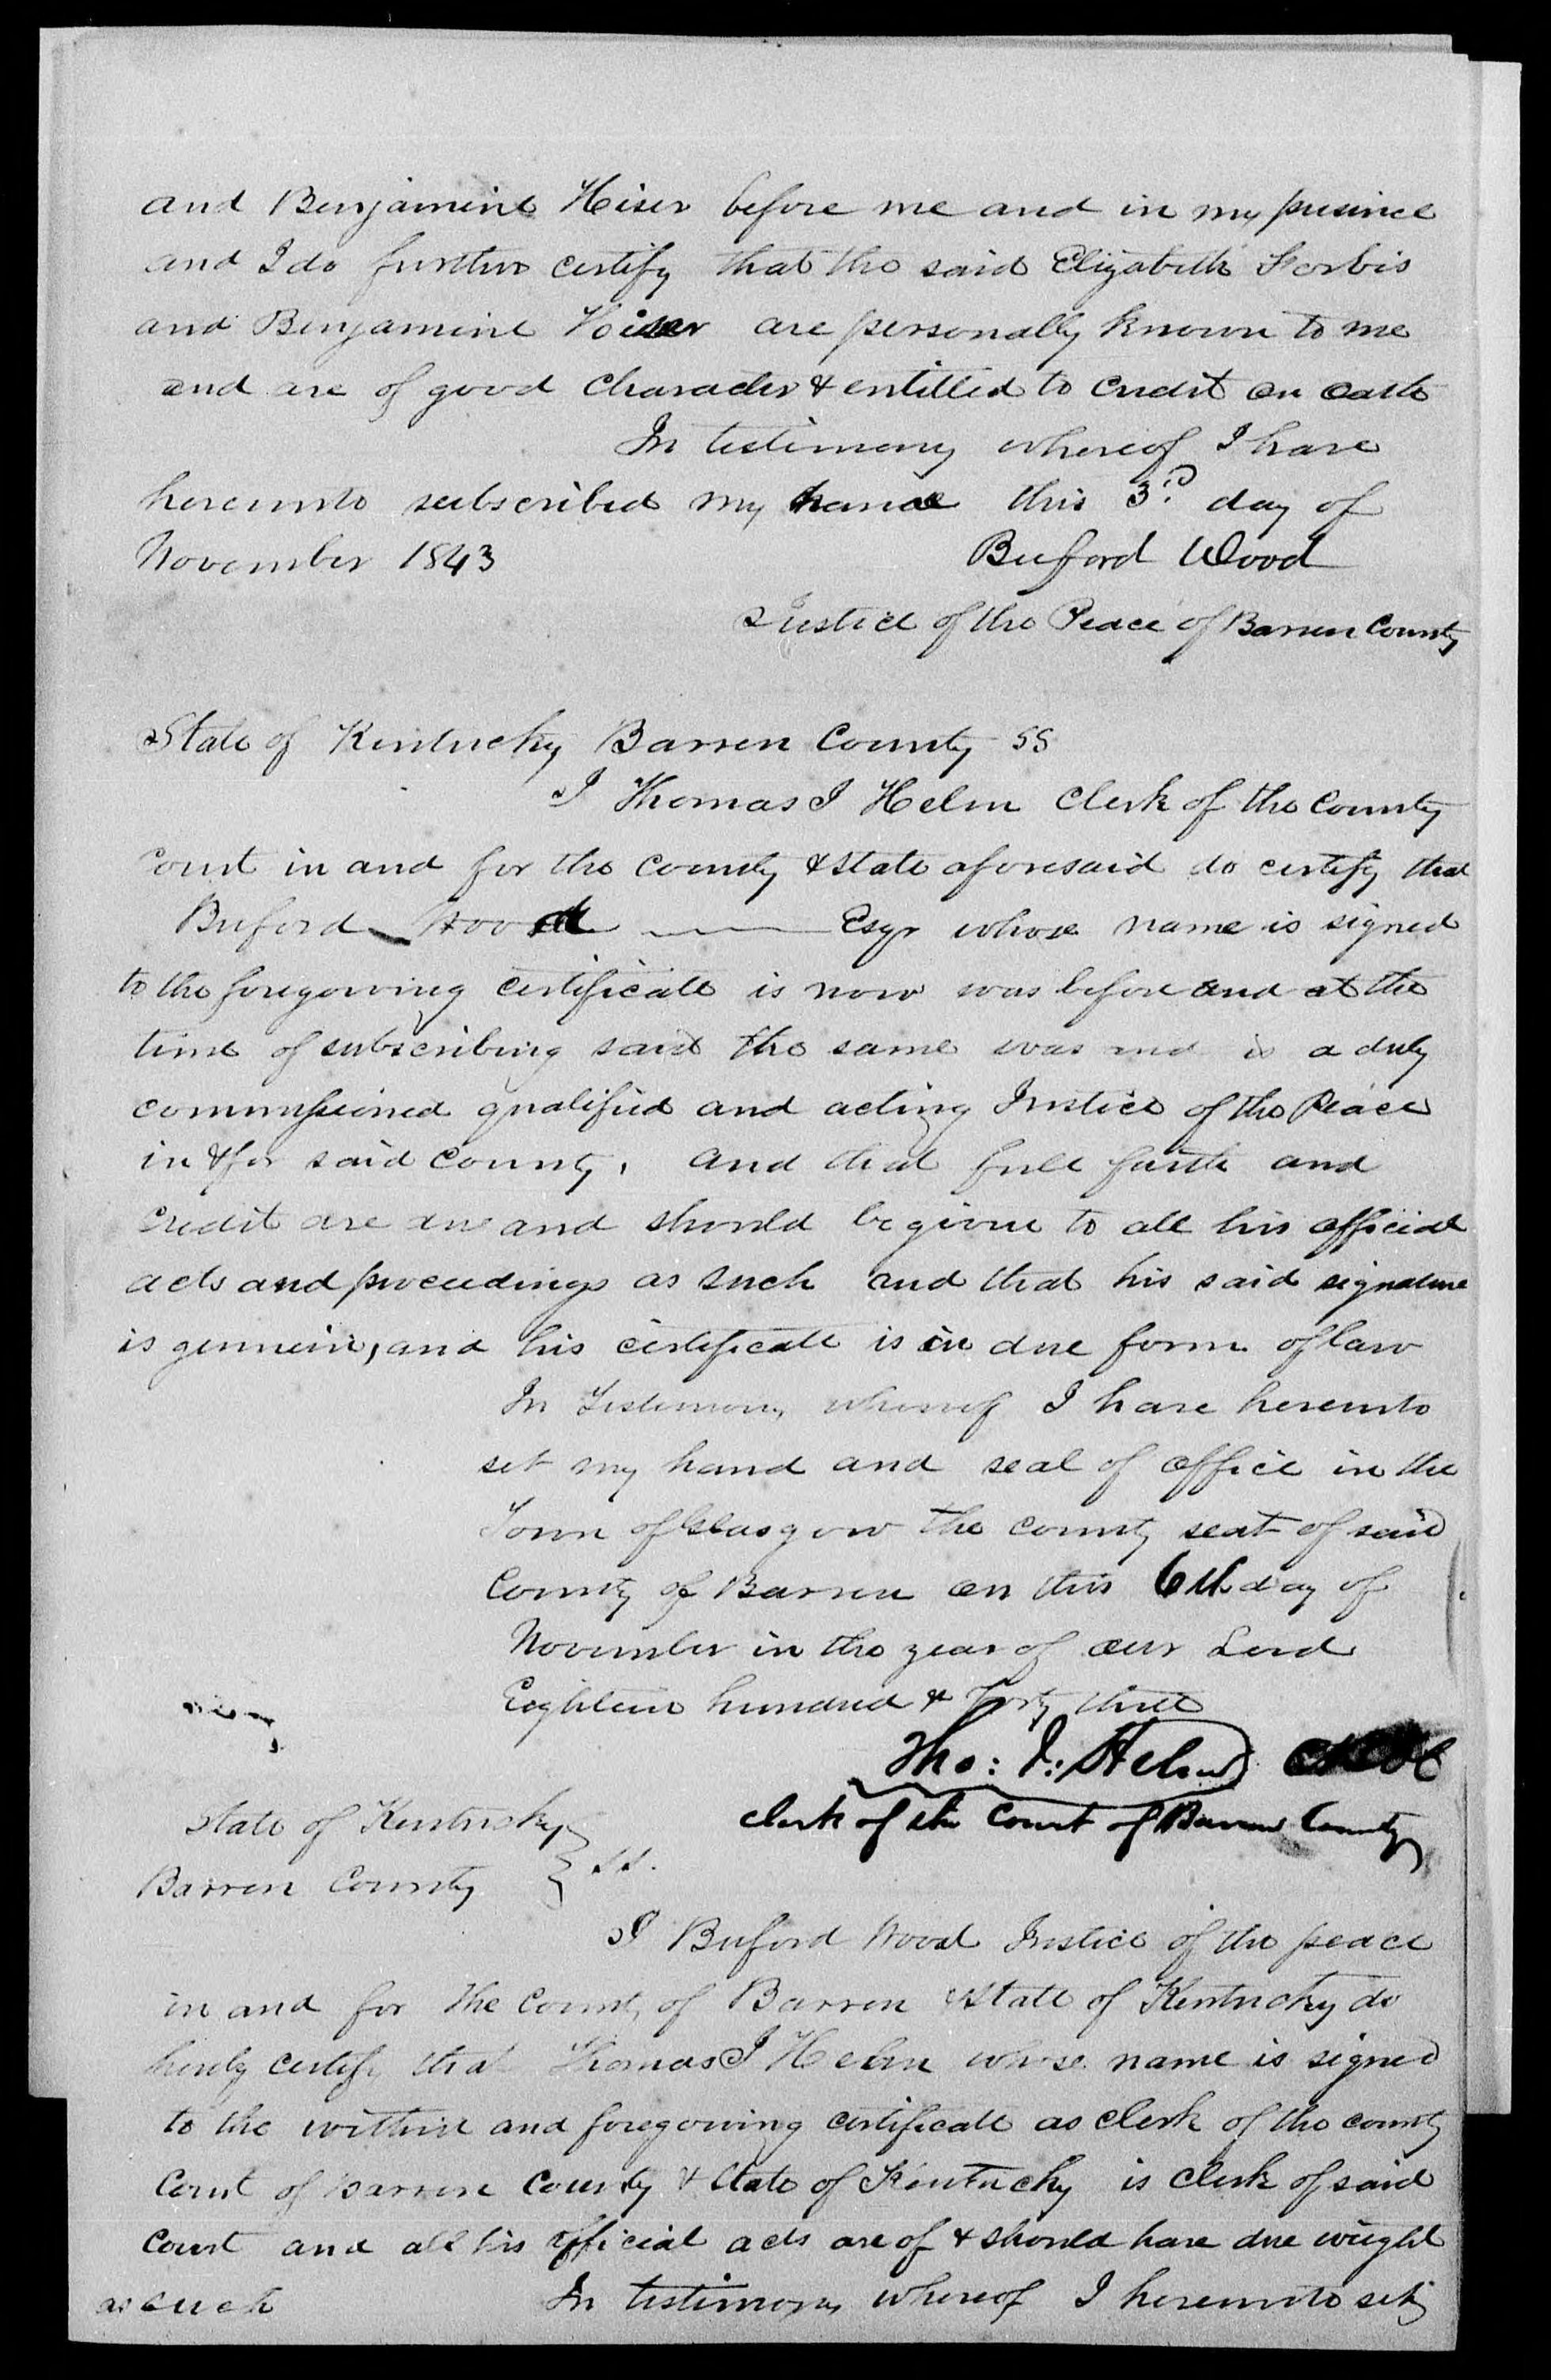and Benjamin Hiser before me nd in my precinct and I do further certify  that the said Elzabeth Fforbis and Benjamin Hiser are personally known to me and are if good character and entitled to credit an oath.

In testimony whereof I have hereunto subscribed my hand this 3rd day of November 1843
  Buforrd Wood
Justice of the Peace of Barren County

State of Kentucky Barren County SS
I Thomas J Helm clerk of the county court in and for this county and state  aforesaid do certify that BufordWood---Edqr whose name is signed to the foregoing Certificate is now was before and at the time of subscribing said the same and was and is a duly commissioned qualified and acting Justice of the Peace in and for said county, and did full forth and credit are an and should be given to all his official act and proceedings as such and that his said signature is genuine,and his certificate is in due form of law
In Testimony whereof I have hereunto set my hand a seal of office in the [illegible] of [illegible}vow  the county seat of said County of Barren on this 6th ay of November in the year of our Lord Eighteen hundred and forty three
Tho: J: Helms  [illegible] 
Clerk of the Court of Barren County
I Buford Wood Justice of the Peace in ad for the county of Barren an State of Kentucky do hereby certify that Thomas J. Helm whose name is signed to the written and foregorging certificate a clerk of this county Court o Barren County and State of Kentucky is clerk of said court an all his official acts are of and should have due weight as such
In testimony whereof I( hereunto set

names: Thomas J Helm, Elizabeth Forbis, Benjamin Hiser, Buford Wood, Thomas J Helm, Buford Wood, Tho J Helm, Buford Wood, Benjamin Hiser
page: 54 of 58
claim: widow's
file: W. 8932, John Hiser, Penn.